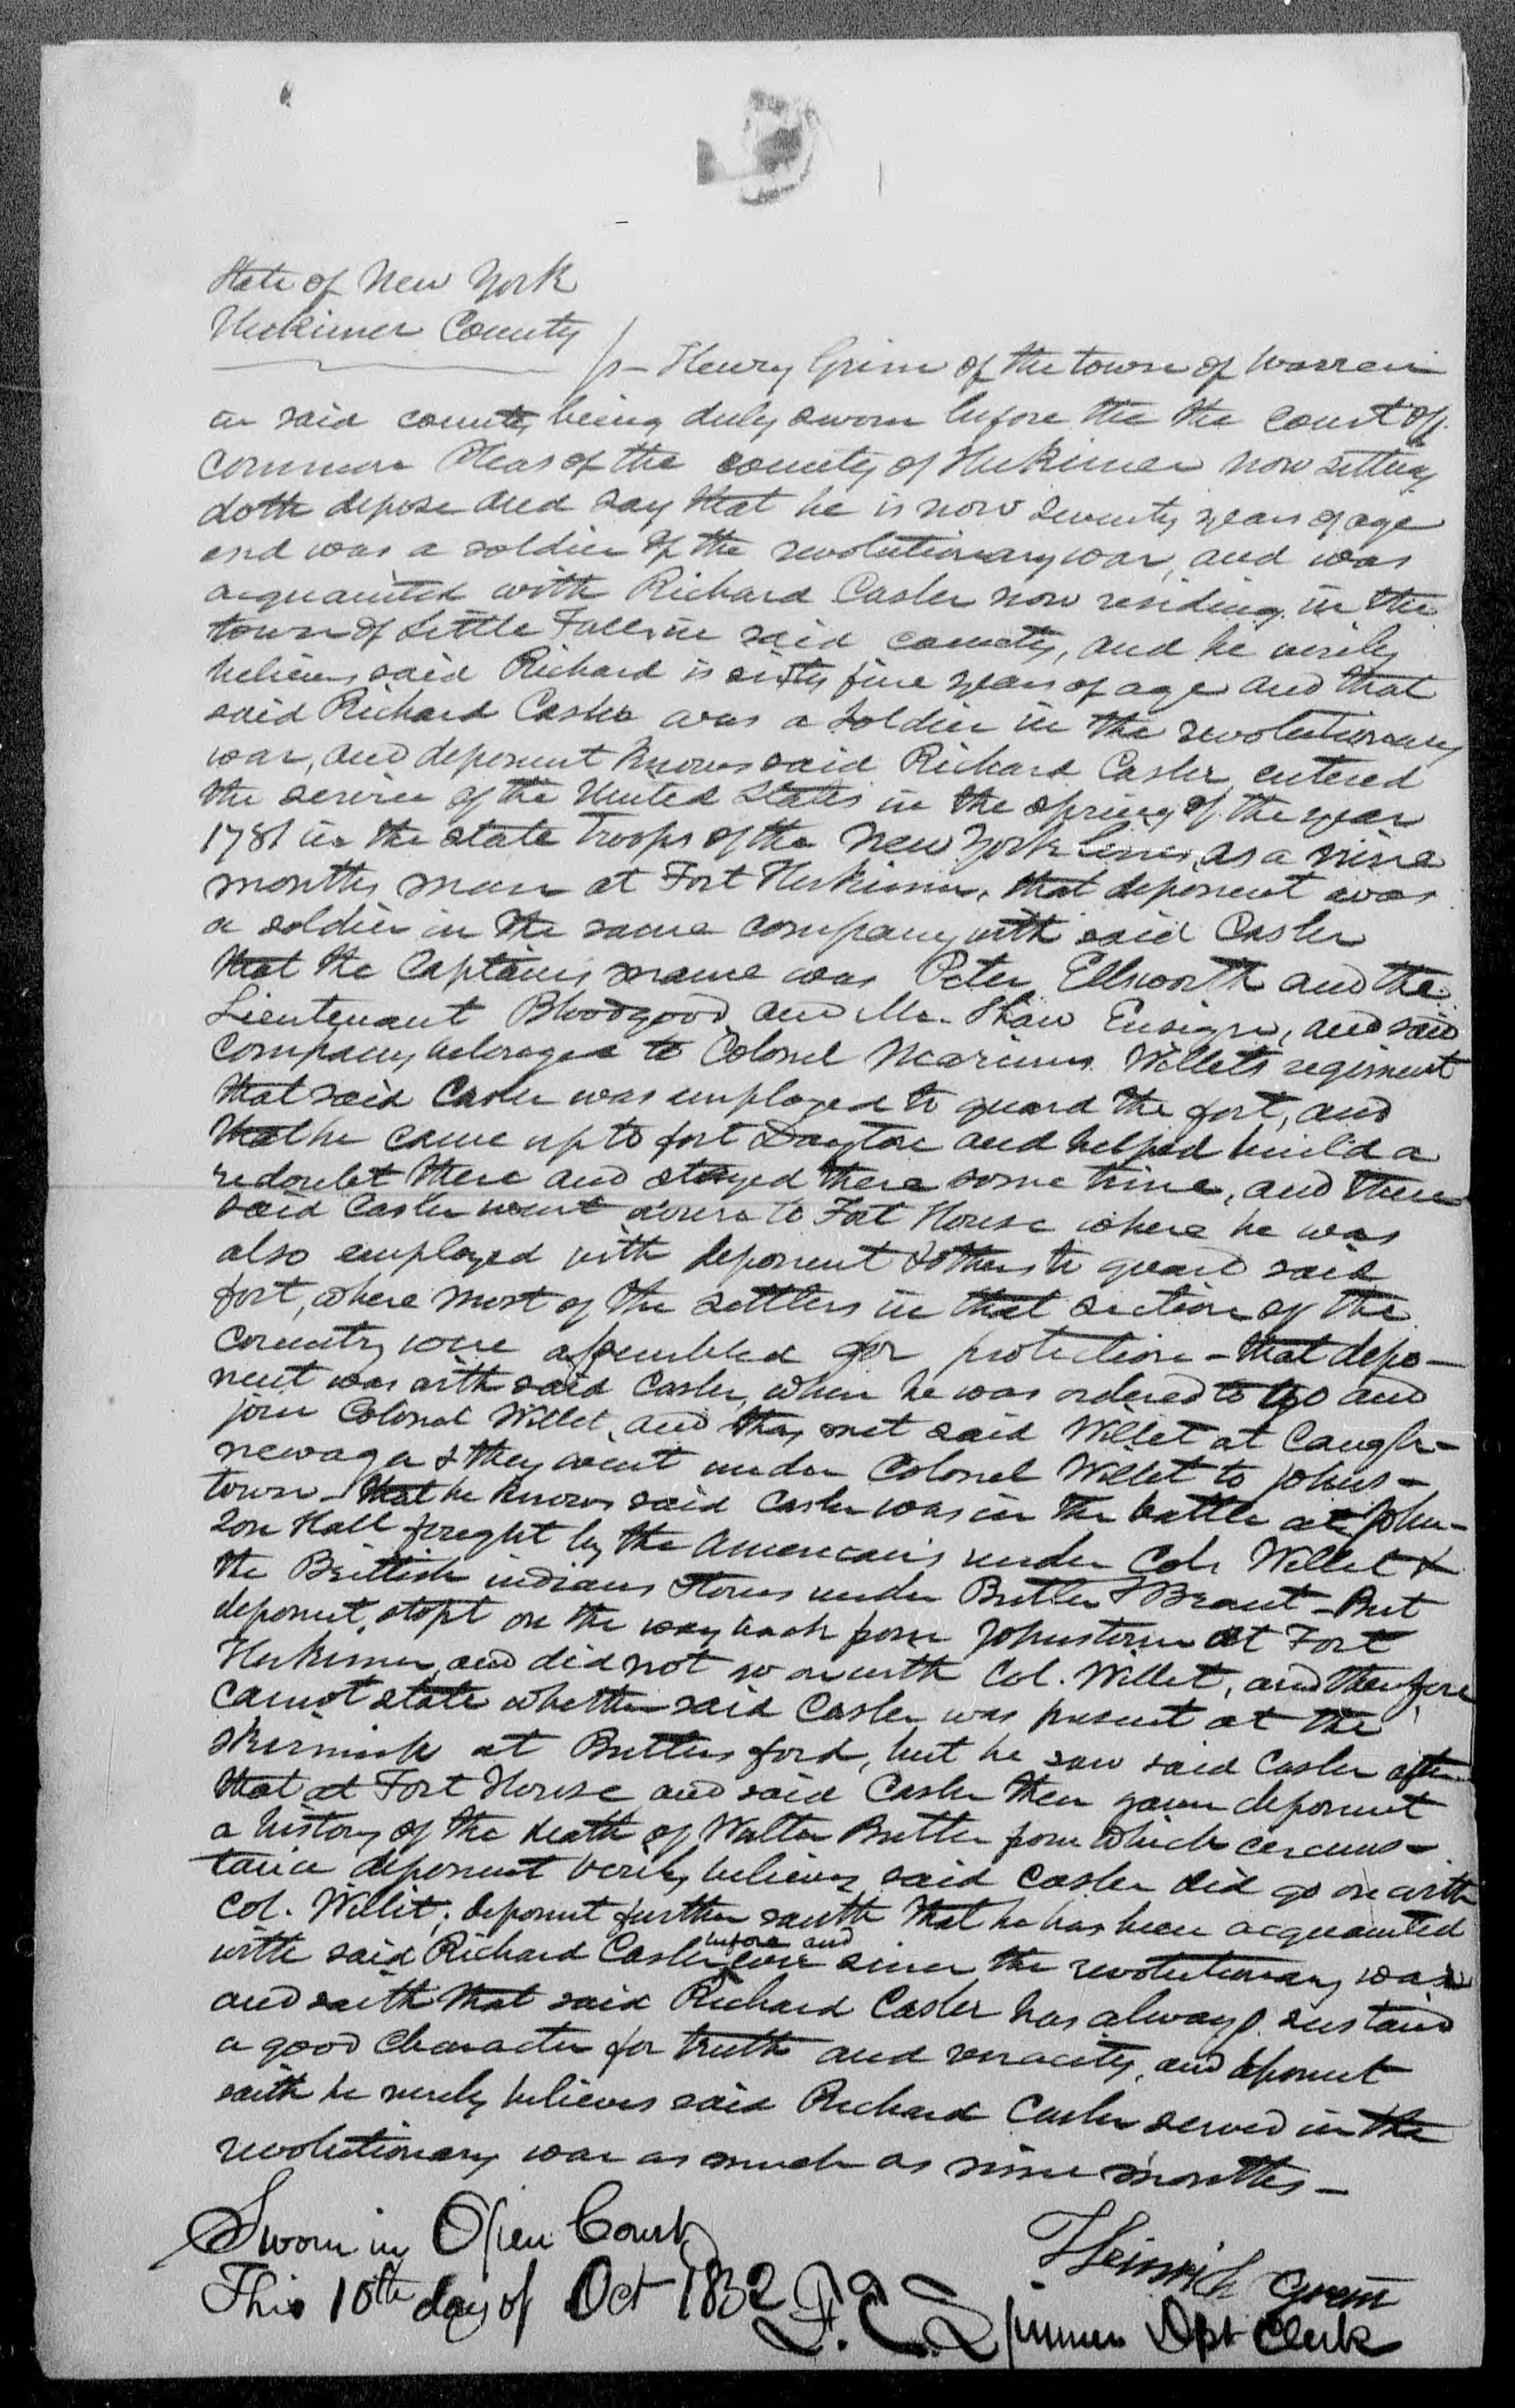State of New York 
Herkimer County ss - Henry Grim of the town of Warren in said county being duly sworn before the the court of Common Pleas of the county of Herkimer now sitting doth depose and say that he is now seventy years age and was a soldier of the revolutionary war, and was acquainted with Richard Casler now residing in the town of Little Falls in said county, and he verily believes said Richard is sixty five years of age and that said Richard Casler was a soldier in the revolutionary war, and deponent knows said Richard Casler entered the service of the United States in the spring of the year 1781 in the state Troops of the New York lines, as a nine months man at Fort Herkimer, that deponent was a soldier in the same company with said Casler that the Captains name was Peter Ellsworth and the Lieutenant Bloodgood and Mr. Shaw Ensign, and said Company belonged to Colonel Marinus Willets regiment that said Casler was employed to guard the fort, and that he came up to Fort Dayton and helped build a redoubt there and stayed there some time, and there said Casler went down to Fort House where he was also employed with deponent & others to quart said fort, where most of the settlers in that section of the country were assembled for protection - that deponent was with said Casler, when he was ordered to go and join Colonel Willet, and they met said Willet at Caughnawaga & they went under Colonel Willet to Johnstown - that he knows said Casler was in the battle at Johnson Hall fought by the American's under Col. Willet & the Brittish indians & tories under Butler & Brant - But deponent stopt on the way back from Johnstown at Fort Herkimer, and did not go on with Col. Willet, and therefore cannot state whether said Casler was present at the skirmish at Butlers ford, but he saw said Casler after that at Fort House and said Casler then gave deponent a history of the death of Walter Butler from which circumstance deponent verily believes said Casler did go on with Col. Willit; deponent further saith that he has been acquainted with said Richard Casler before and ever since revolutionary war and saith that said Richard Casler has always sustained a good character for truth and veracity, and deponent saith he verily believes said Richard Casler served in the revolutionary war as much as nine months 
[signed] Heinrich Grim
Sworn in Open Court, This 10th day of Oct 1832. 
[signed] F. E. Spinner Dept Clerk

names: Henry Grim, Heinrich Green, Casler, Casler, Willet, Casler, Casler, Richard Casler, Shaw, Willit, Richard Casler, Casler, Casler, Bloodgood, Peter Ellsworth, Casler, Richard Casler, Richard, Richard Casler, F C Spinner, Brant, Willet, Willet, Casler, Willet, Richard Casler, Willet, Casler, Walter Butler, Richard Casler, Butler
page: 48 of 66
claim: widow's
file: W. 6637, Richard Caslar, New York